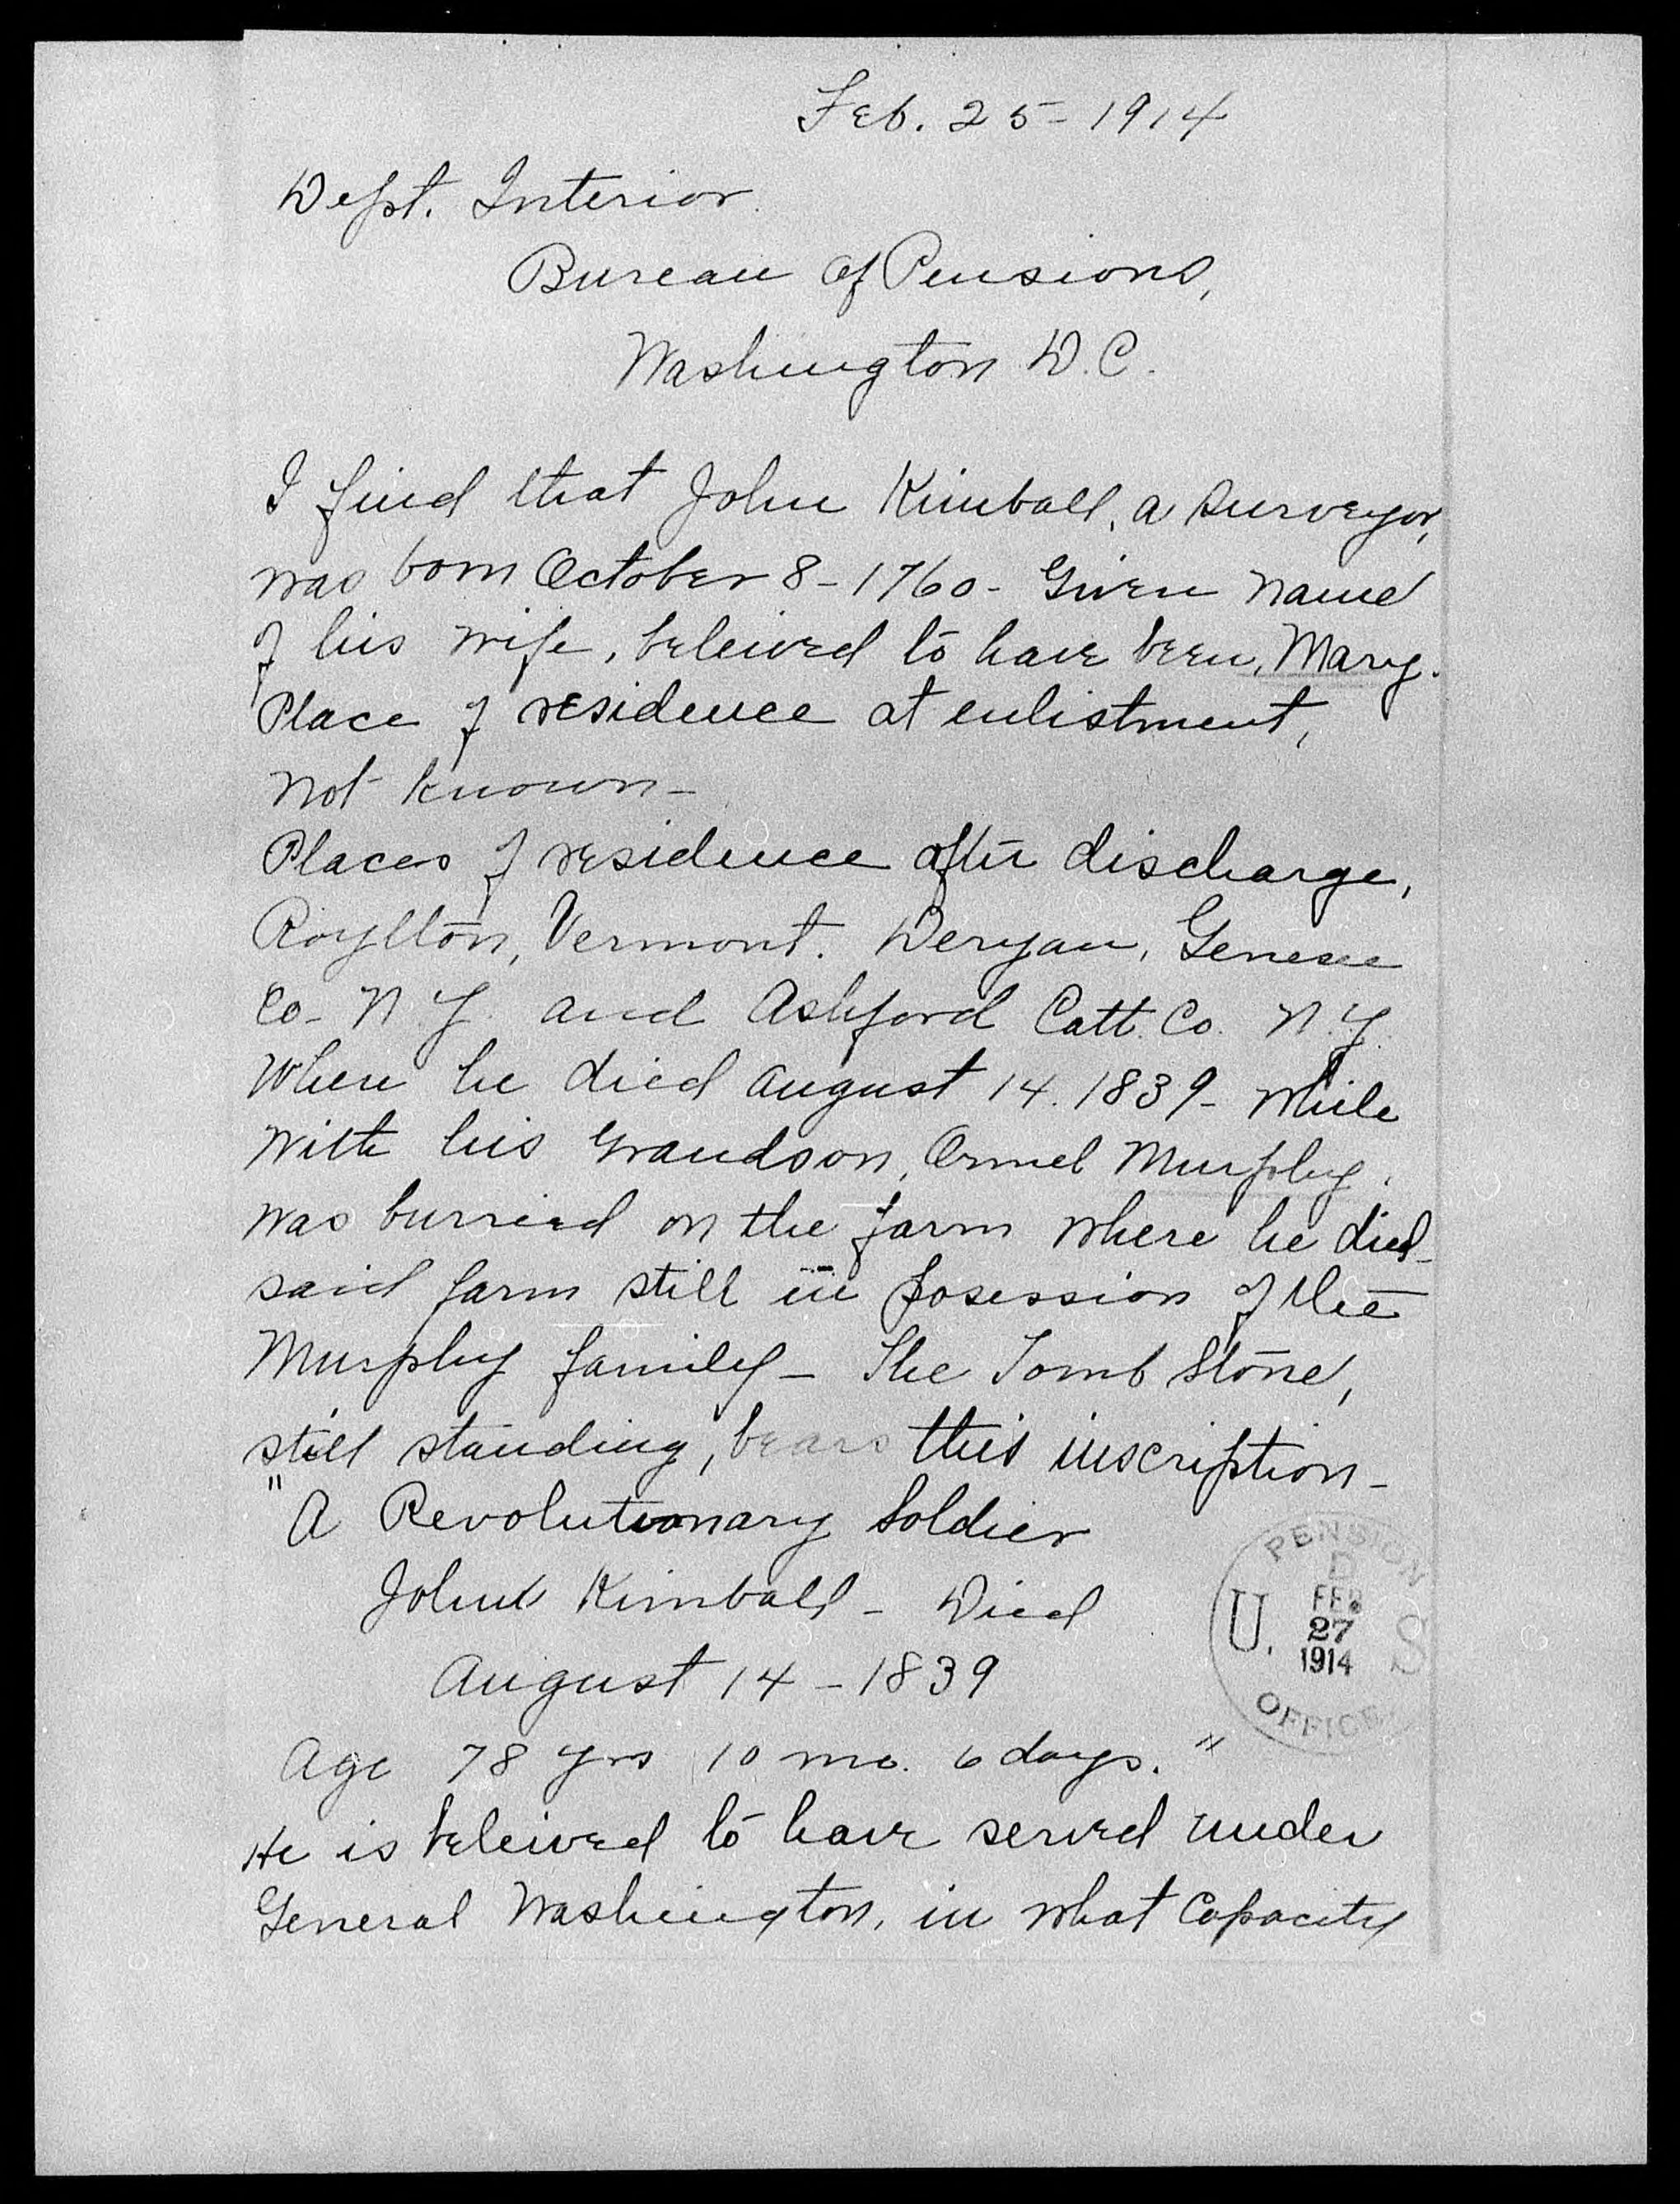Feb. 25 - 1914

Dept. Interior
Bureau of Pensions,
Washington D. C.

I find that John Kimball, a surveyor, was born October 8 - 1760 - given name of his wife, believed to have been Mary. Place of residence at enlistment, not known -
Places of residence after discharge, Royalton, Vermont. Deryan, Genesee Co - N.Y. and Ashford Catt. Co. N.Y. Where he died August 14. 1839 - While with his grandson, Ormel Murphy, was burried on the farm where he died - said farm still in posession of the Murphy family - The Tomb Stone, still standing, bears this inscription - "A Revolutionary Soldier John Kimball - Died August 14 - 1839 Age 78 yrs 10 mo. 6 days."
He is believed to have served under General Washington, in what capacity

[circle stamp at right] U.S. Pension Office. D Feb 27 1914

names: Ormel Murphy; Mary [BLANK]; John Kimball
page: 31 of 36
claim: survivor's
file: S. 42,792, for John Kimball, Connecticut